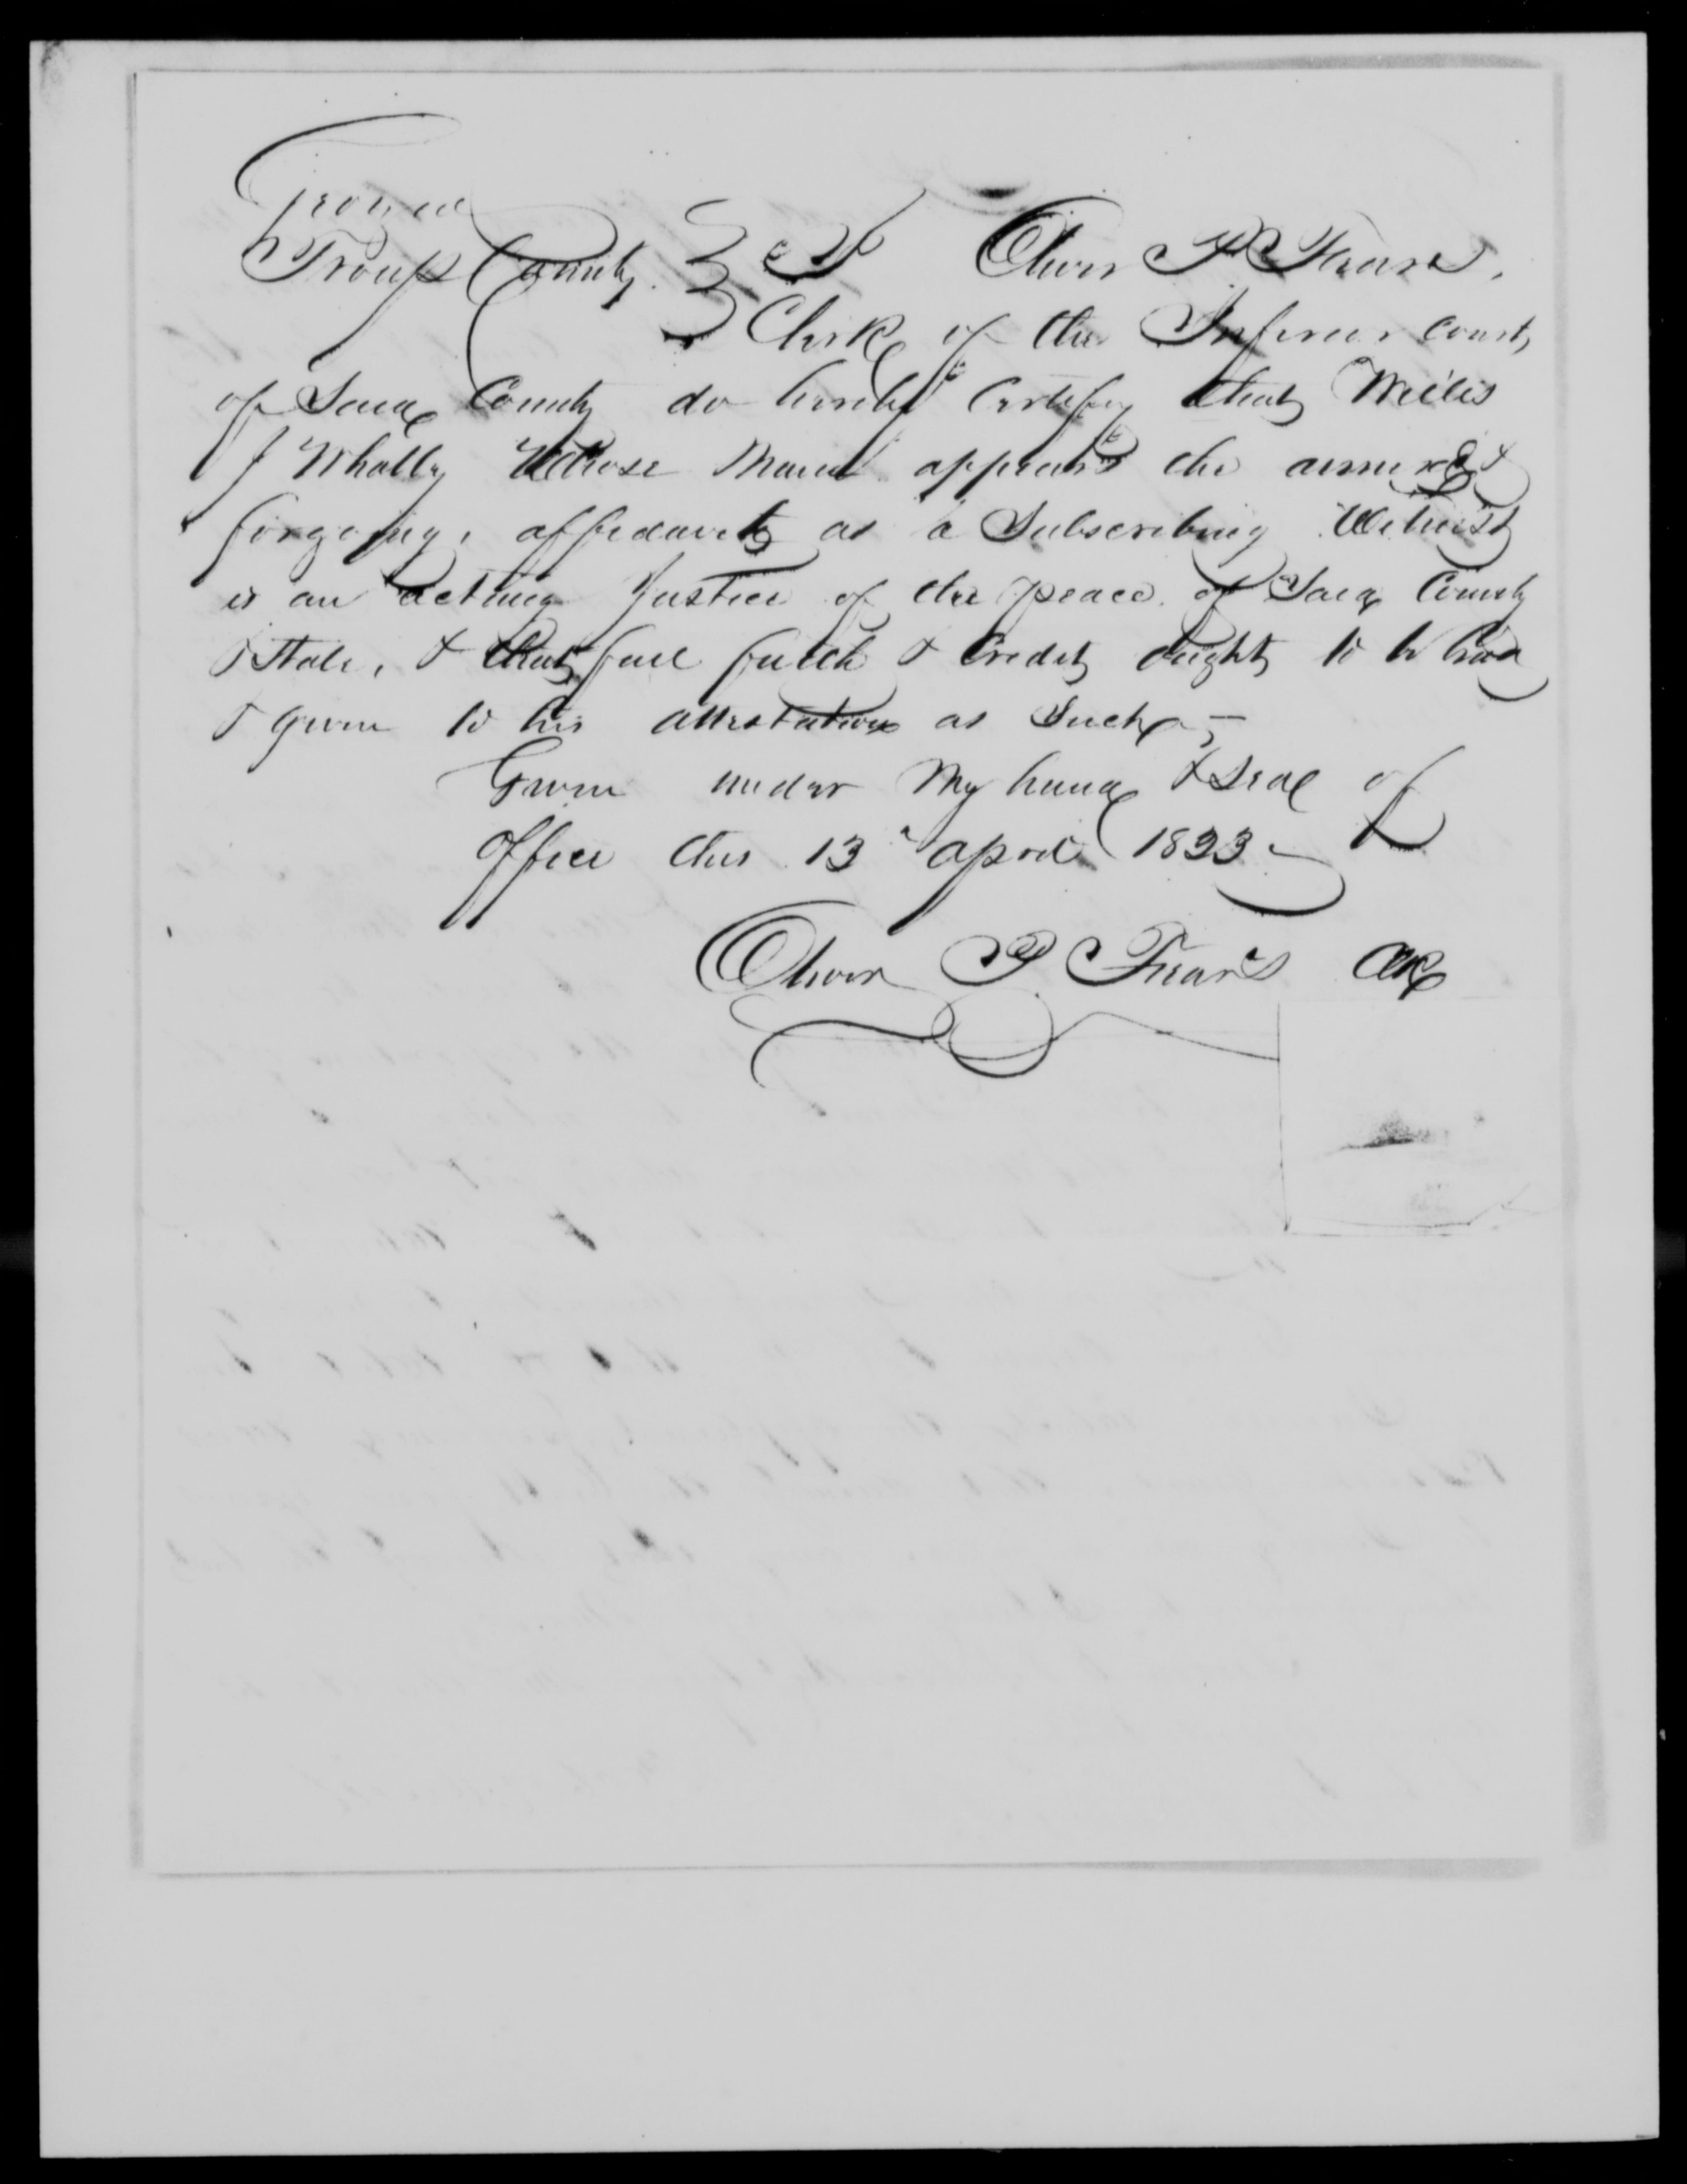Georgi
Troup County
I, Oliver P. Fears,
Clerk of the Inferior Court,
of said County do hereby certify that Willis
Whatley whose name appears the [illegible] &
forgoing, affidavit as a subscribing witness
is an acting Justice of the peace of said County
State, & that full faith & credit ought to be had
&given to his attestation as such
Given under my hand & seal
office this 13 Apl 1833
Oliver P. Fears, Clk.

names: Oliver P Fears; Oliver P Fears; Willis J Whatley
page: 23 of 25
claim: survivor's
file: S. 31,993, for Jacob Stillwell, North Carolina